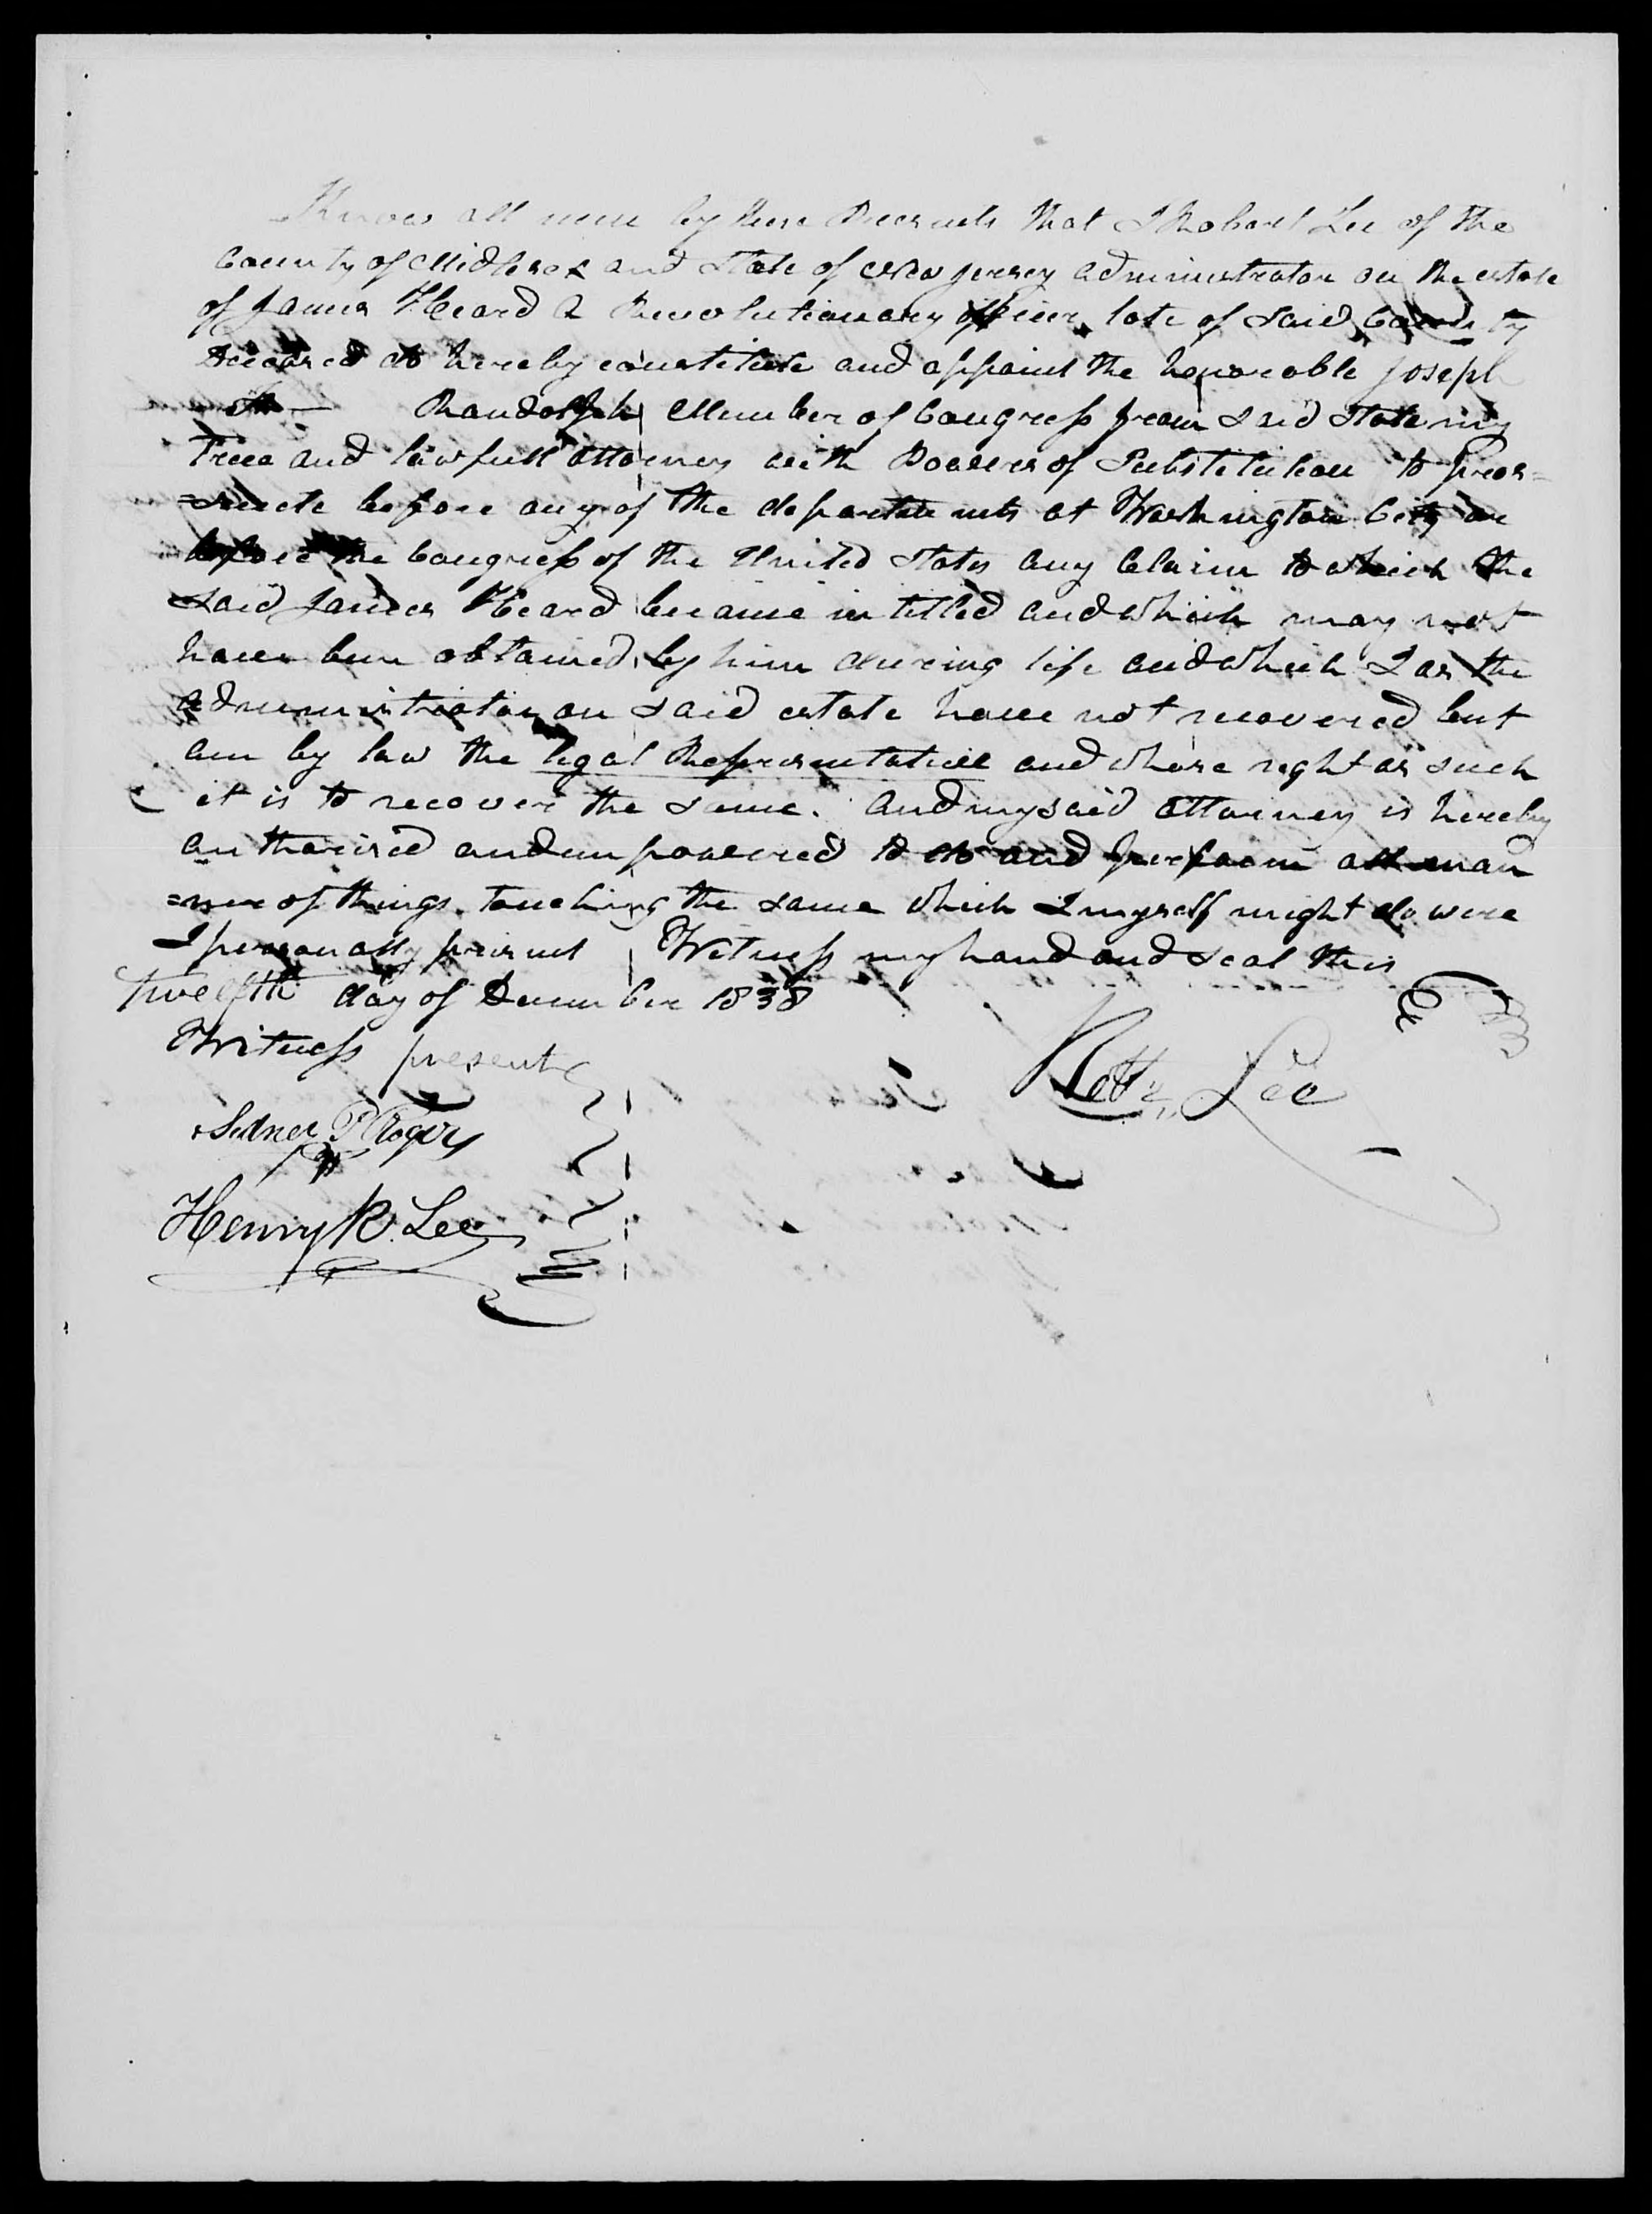Know all men by these presents that I Robert Lee of the County of Middlesex and State of New jersey Administrator on the estate of James Heard a Revolutionary officer late of said County Deceased do hereby constitute and appoint the Honorable Joseph
Randolph Member of Congress from said state
my true and lawful attorney with power of substitution to press before any of the departments at Washington City [illegible, 2 words are smeared] the Congress of the United States any claim which the said James Heard became intitled and which may not
have been obtained by him during life and which I as the administrator on said estate have not recovered but am by law the legal representative and whose right as such it is
to recover the same, and my said attorney is hereby authorized and empowered to do and perform in attaining of things touching the same which I myself might do were I personally present

Witness my hand and seal this twelfth day of December 1835

Robt. Lee {possible image of seal, which is not legible]

Witnesses present
Sidney P Rogers
Henry R. Lee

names: Henry R Lee, Joseph Randolph, Robert Lee, Sidney P Rogers, Robt Lee, James Heard, James Heard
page: 44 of 62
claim: survivor's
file: S. 540, James Heard, Continental - New Jersey Residence In 1818